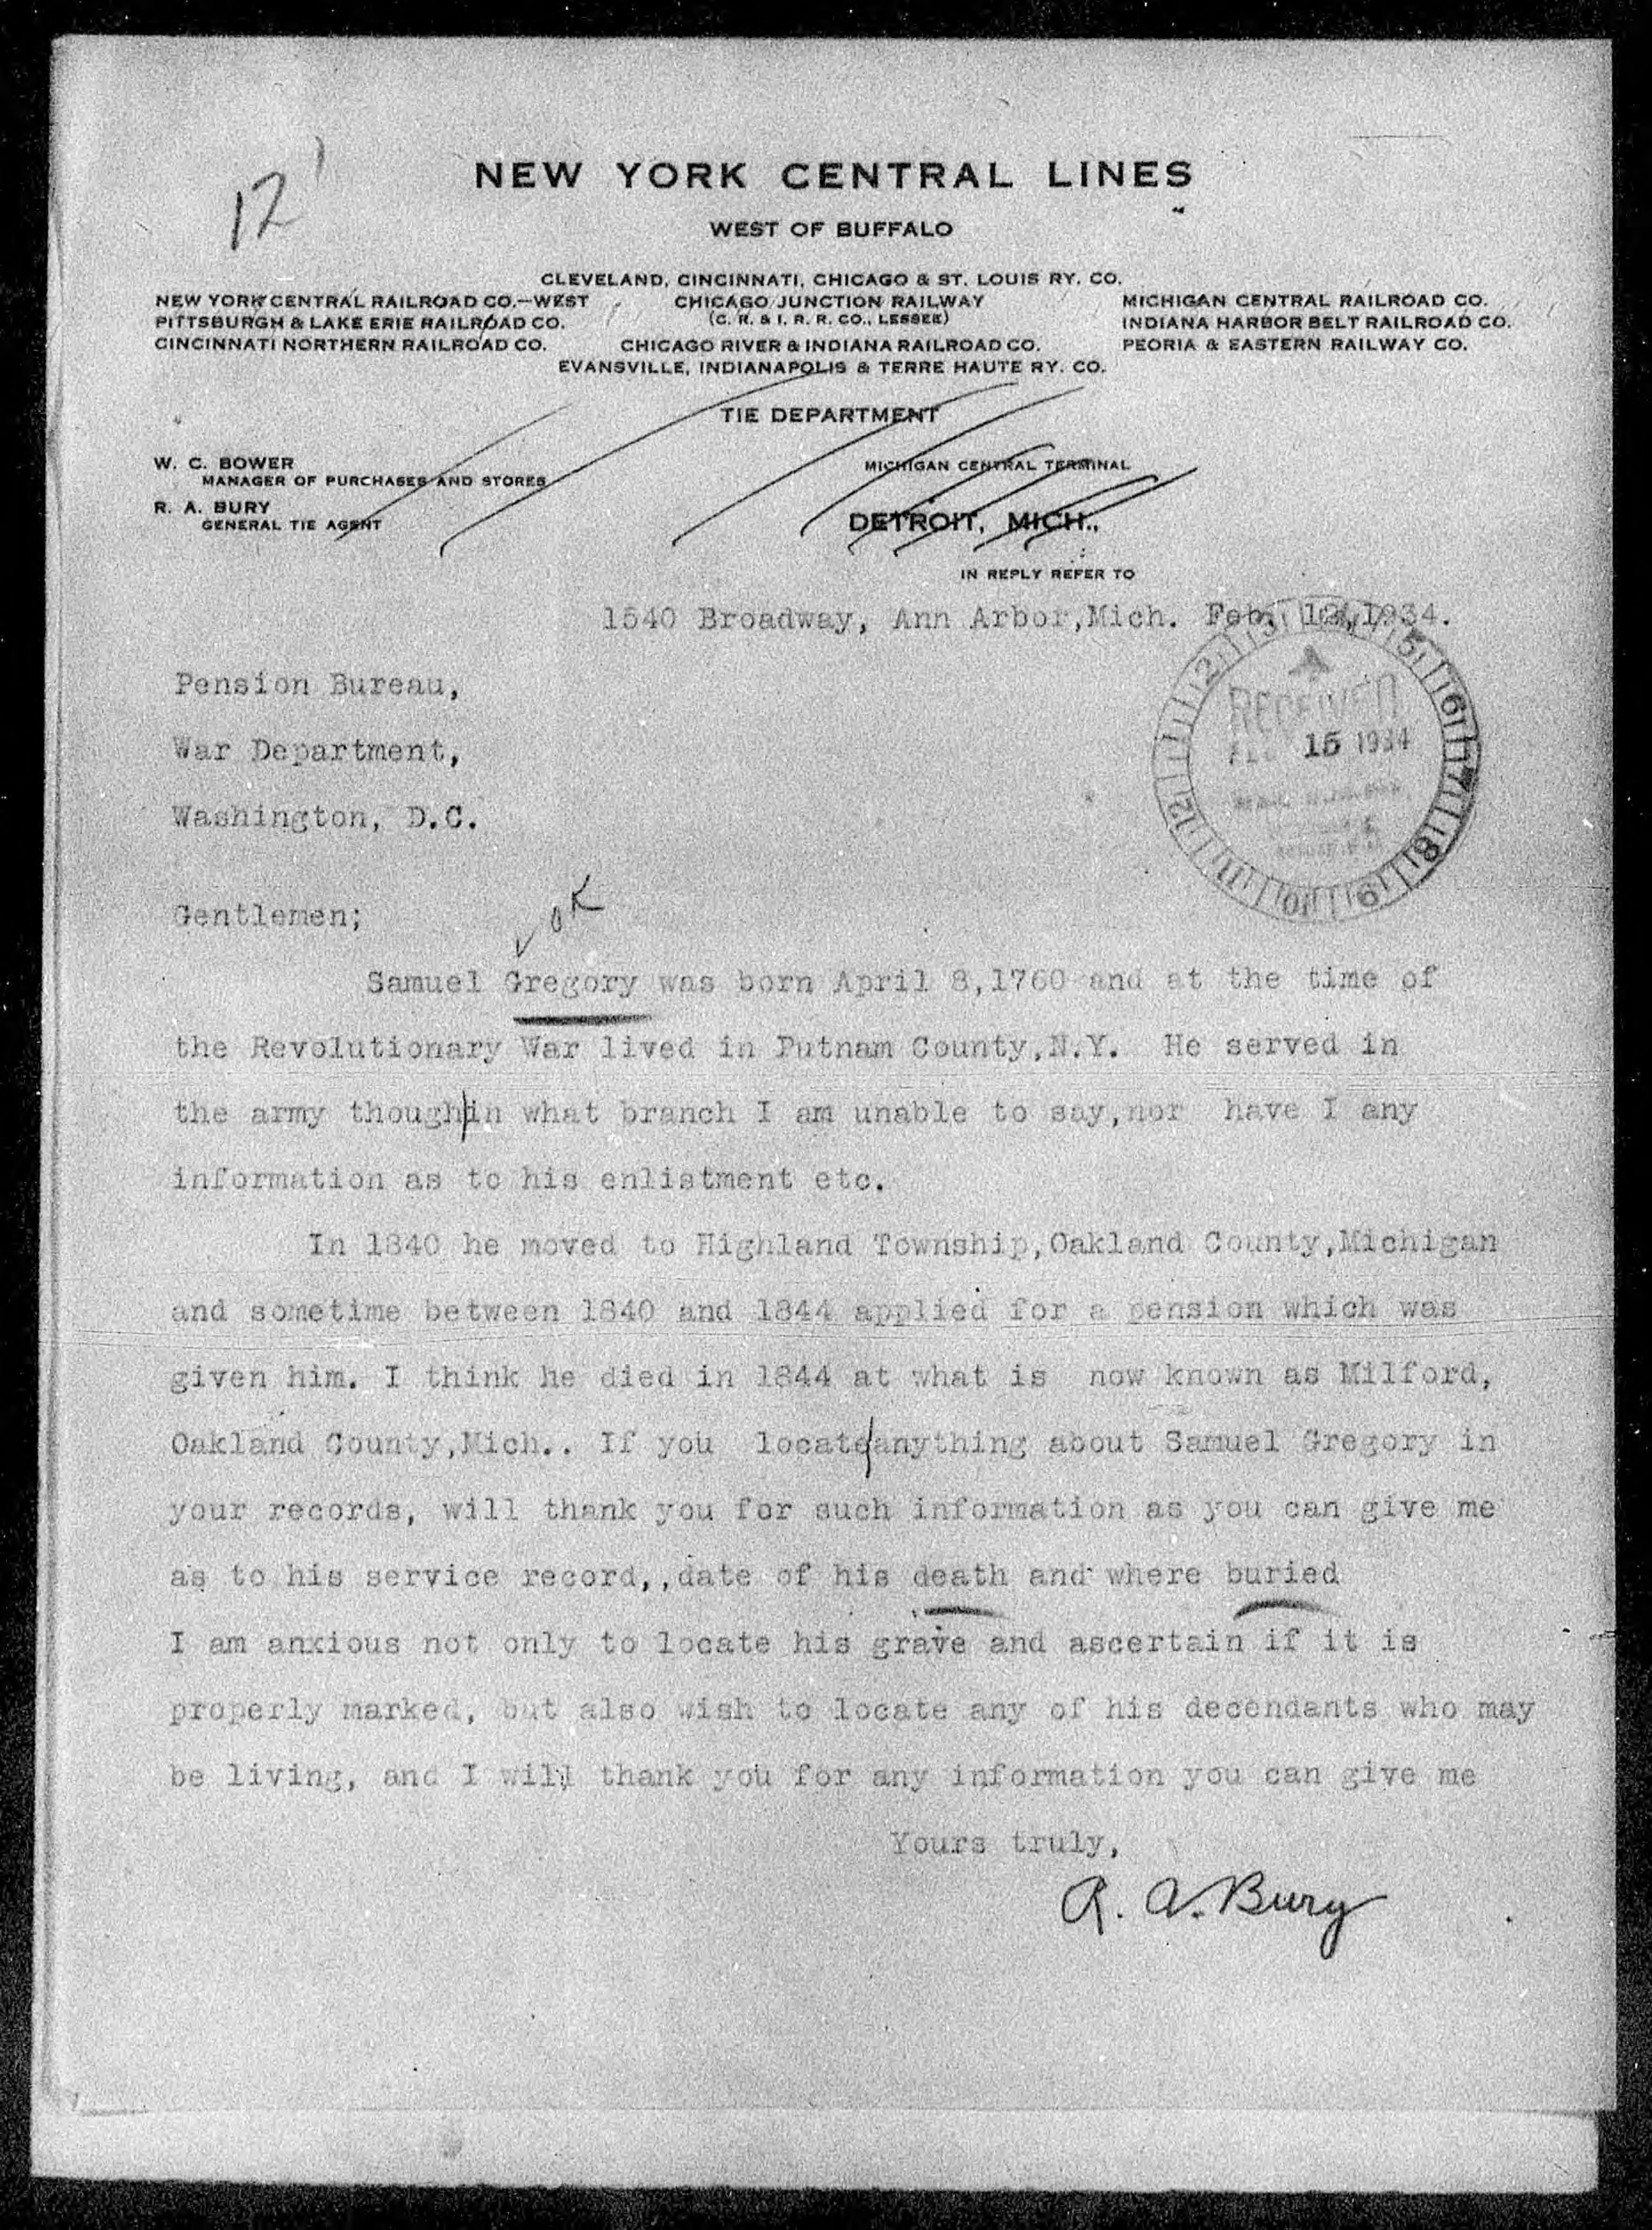NEW YORK CENTRAL LINES
WEST OF BUFFALO

[LETTERHEAD CROSSED OUT]

1540 Broadway, Ann Arbor, Mich. Feb 13 1934.

[stamp] Received Feb 15, 1934

Pension Bureau,
War Department,
Washington, D.C.

Gentlemen:

Samuel Gregory was born April 8, 1760 and at the time of the Revolutionary War lived in Putnam County, N.Y. He served in the army though in what branch I am unable to say, nor have I any information as to his enlistment etc.
In 1840 he moved to Highland Township, Oakland County, Michigan and sometime between 1840 and 1844 applied for a pension which was given him. I think he died in 1844 at what is ow known as Milford, Oakland County, Mich. If you locate anything about Samuel Gregory in your records, will thank you for such information as you can give me as to his service record, date of his death and where buried I am anxious not only to locate his grave and ascertain if it is properly marked, but also with to locate any of his decendants who mayb e living, and I will thank you for any information you can give me

Yours truly,

R.A. Bury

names: W C Bower, Samuel Gregory, R A Bury, Samuel Gregory, R A Bury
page: 29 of 66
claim: rejected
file: R. 4298, Samuel Gregory, New York